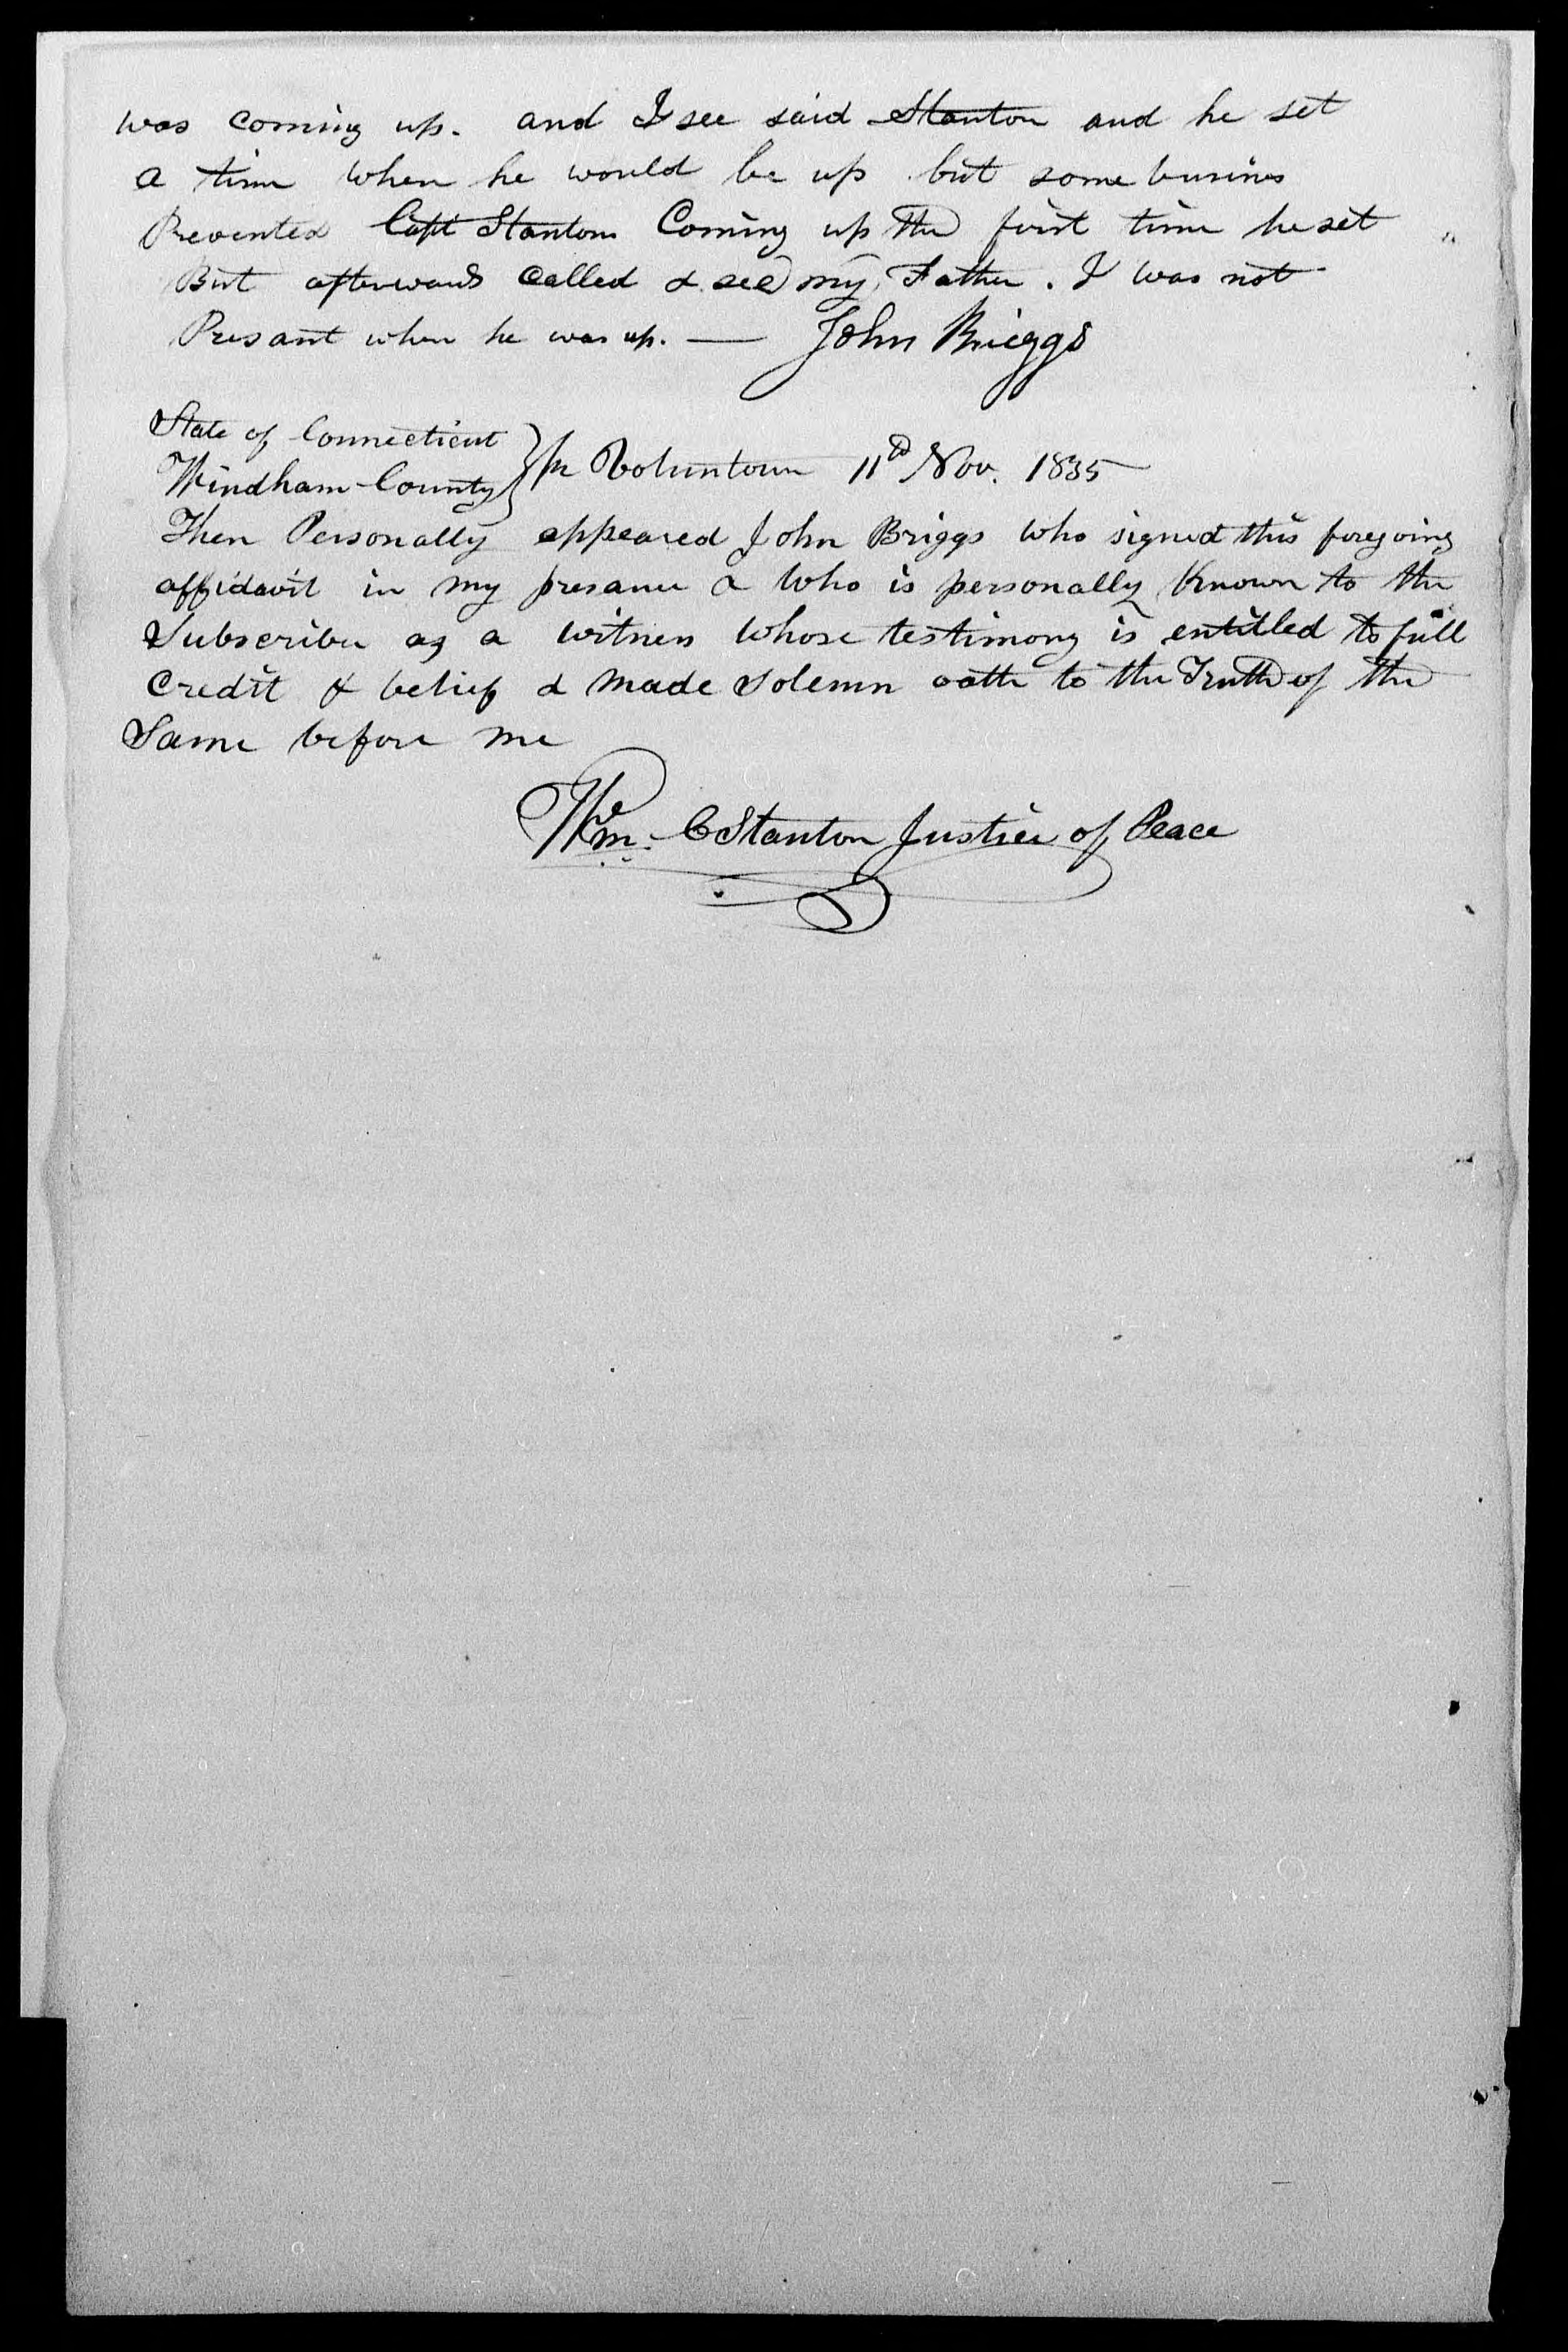was coming up, and I see said Stanton and he set a time when he would be up but some business prevented Capt Stanton coming up the first time he set but afterward called & see my Father.  I was not present when he was up  
              {Signed] John Briggs

State of Connecticut} Windham County} Voluntown 11th Nov 1835

Then personally appeared John Briggs who signed the foregoing affidavit in my presence & who is personally known to the Subscriber as a witness whose testimony is entitled to full credit & belief & made Solemn oath to the Truth of the same before me 
   [SIgned] Jthn  C. Stanton Justice of Peace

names: Wm C Stanton, John Briggs, John Briggs, Stanton, Stanton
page: 33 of 37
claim: survivor's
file: S. 12,281, William Briggs, Conn.